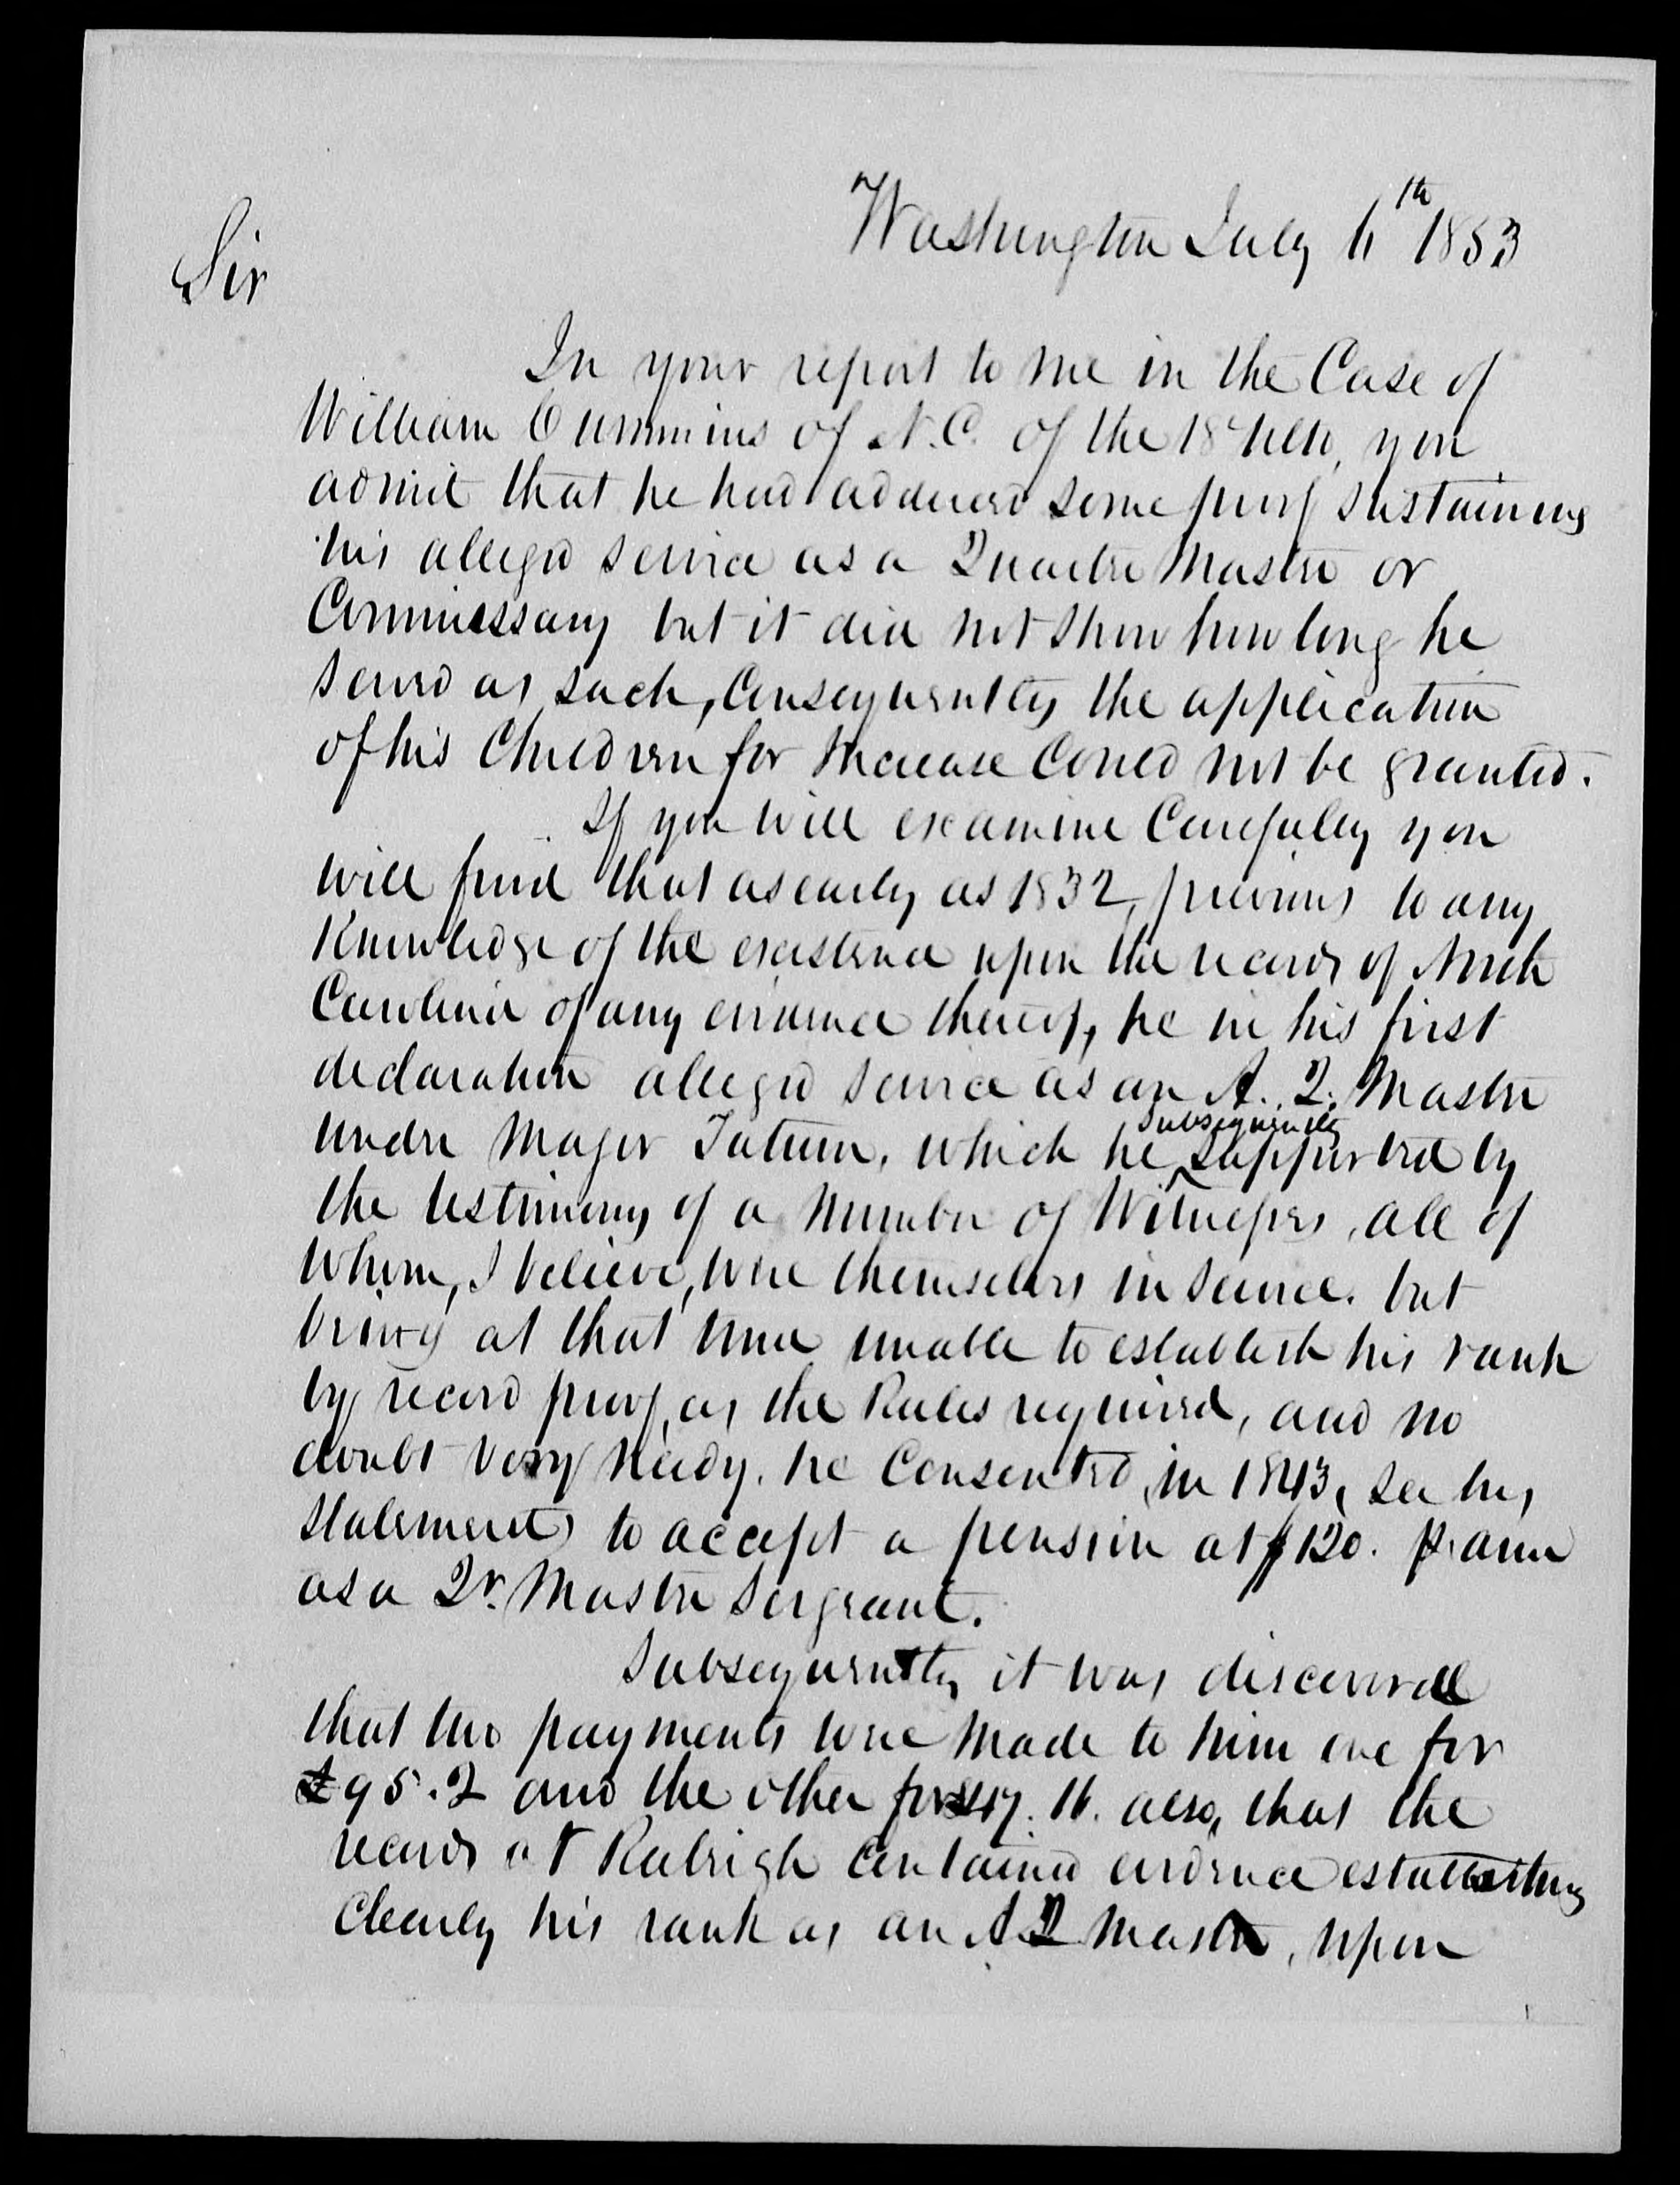[Handwritten letter]

Washington July 6th 1853

Sir

In your report to me in the Case of William Cummins of N.C. of the 18th ulto [apparently meaning 18th of the previous month, or June 18, 1853], you admit that he had [illegible] some proof sustaining his alleged service as a Quartr Master or Commissary but it did not show how long he served as such, Consequently the application of his Children for Increase could not be granted.

If you will examine Carefully you will find that as early as 1832, previous to any Knowledge of the existence upon the record [or records] of North Carolina of any evidence thereof, he in his first declaration alleged Service as an A. Q. [Assistant Quarter] Master under Major Tatum, which he ^subsequently Supported by the testimony of a Number of Witnesses, all of Whom, I believe, were themselves in Service.  but being at that time unable to establish his rank by record proof, as the Rules required, and no doubt Very Needy, he Consented, in 1843, (see [or per] his Statement) to accept a pension at $120. pr anm [per annum] as a Qr. [Quarter] Master Sergeant.

Subsequently, it was discovered that two payments were Made to him one for [monetary pound sign] 95.2 and the other for [monetary pound sign for either] 47.16 [or 117.16].  also, that the record at Raleigh contained evidence establishing Clearly his rank as an A Q [Assistant Quartr] Master, upon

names: William Cummins, Tatum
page: 75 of 145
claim: survivor's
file: S. 8265, William Cumming, N.C.